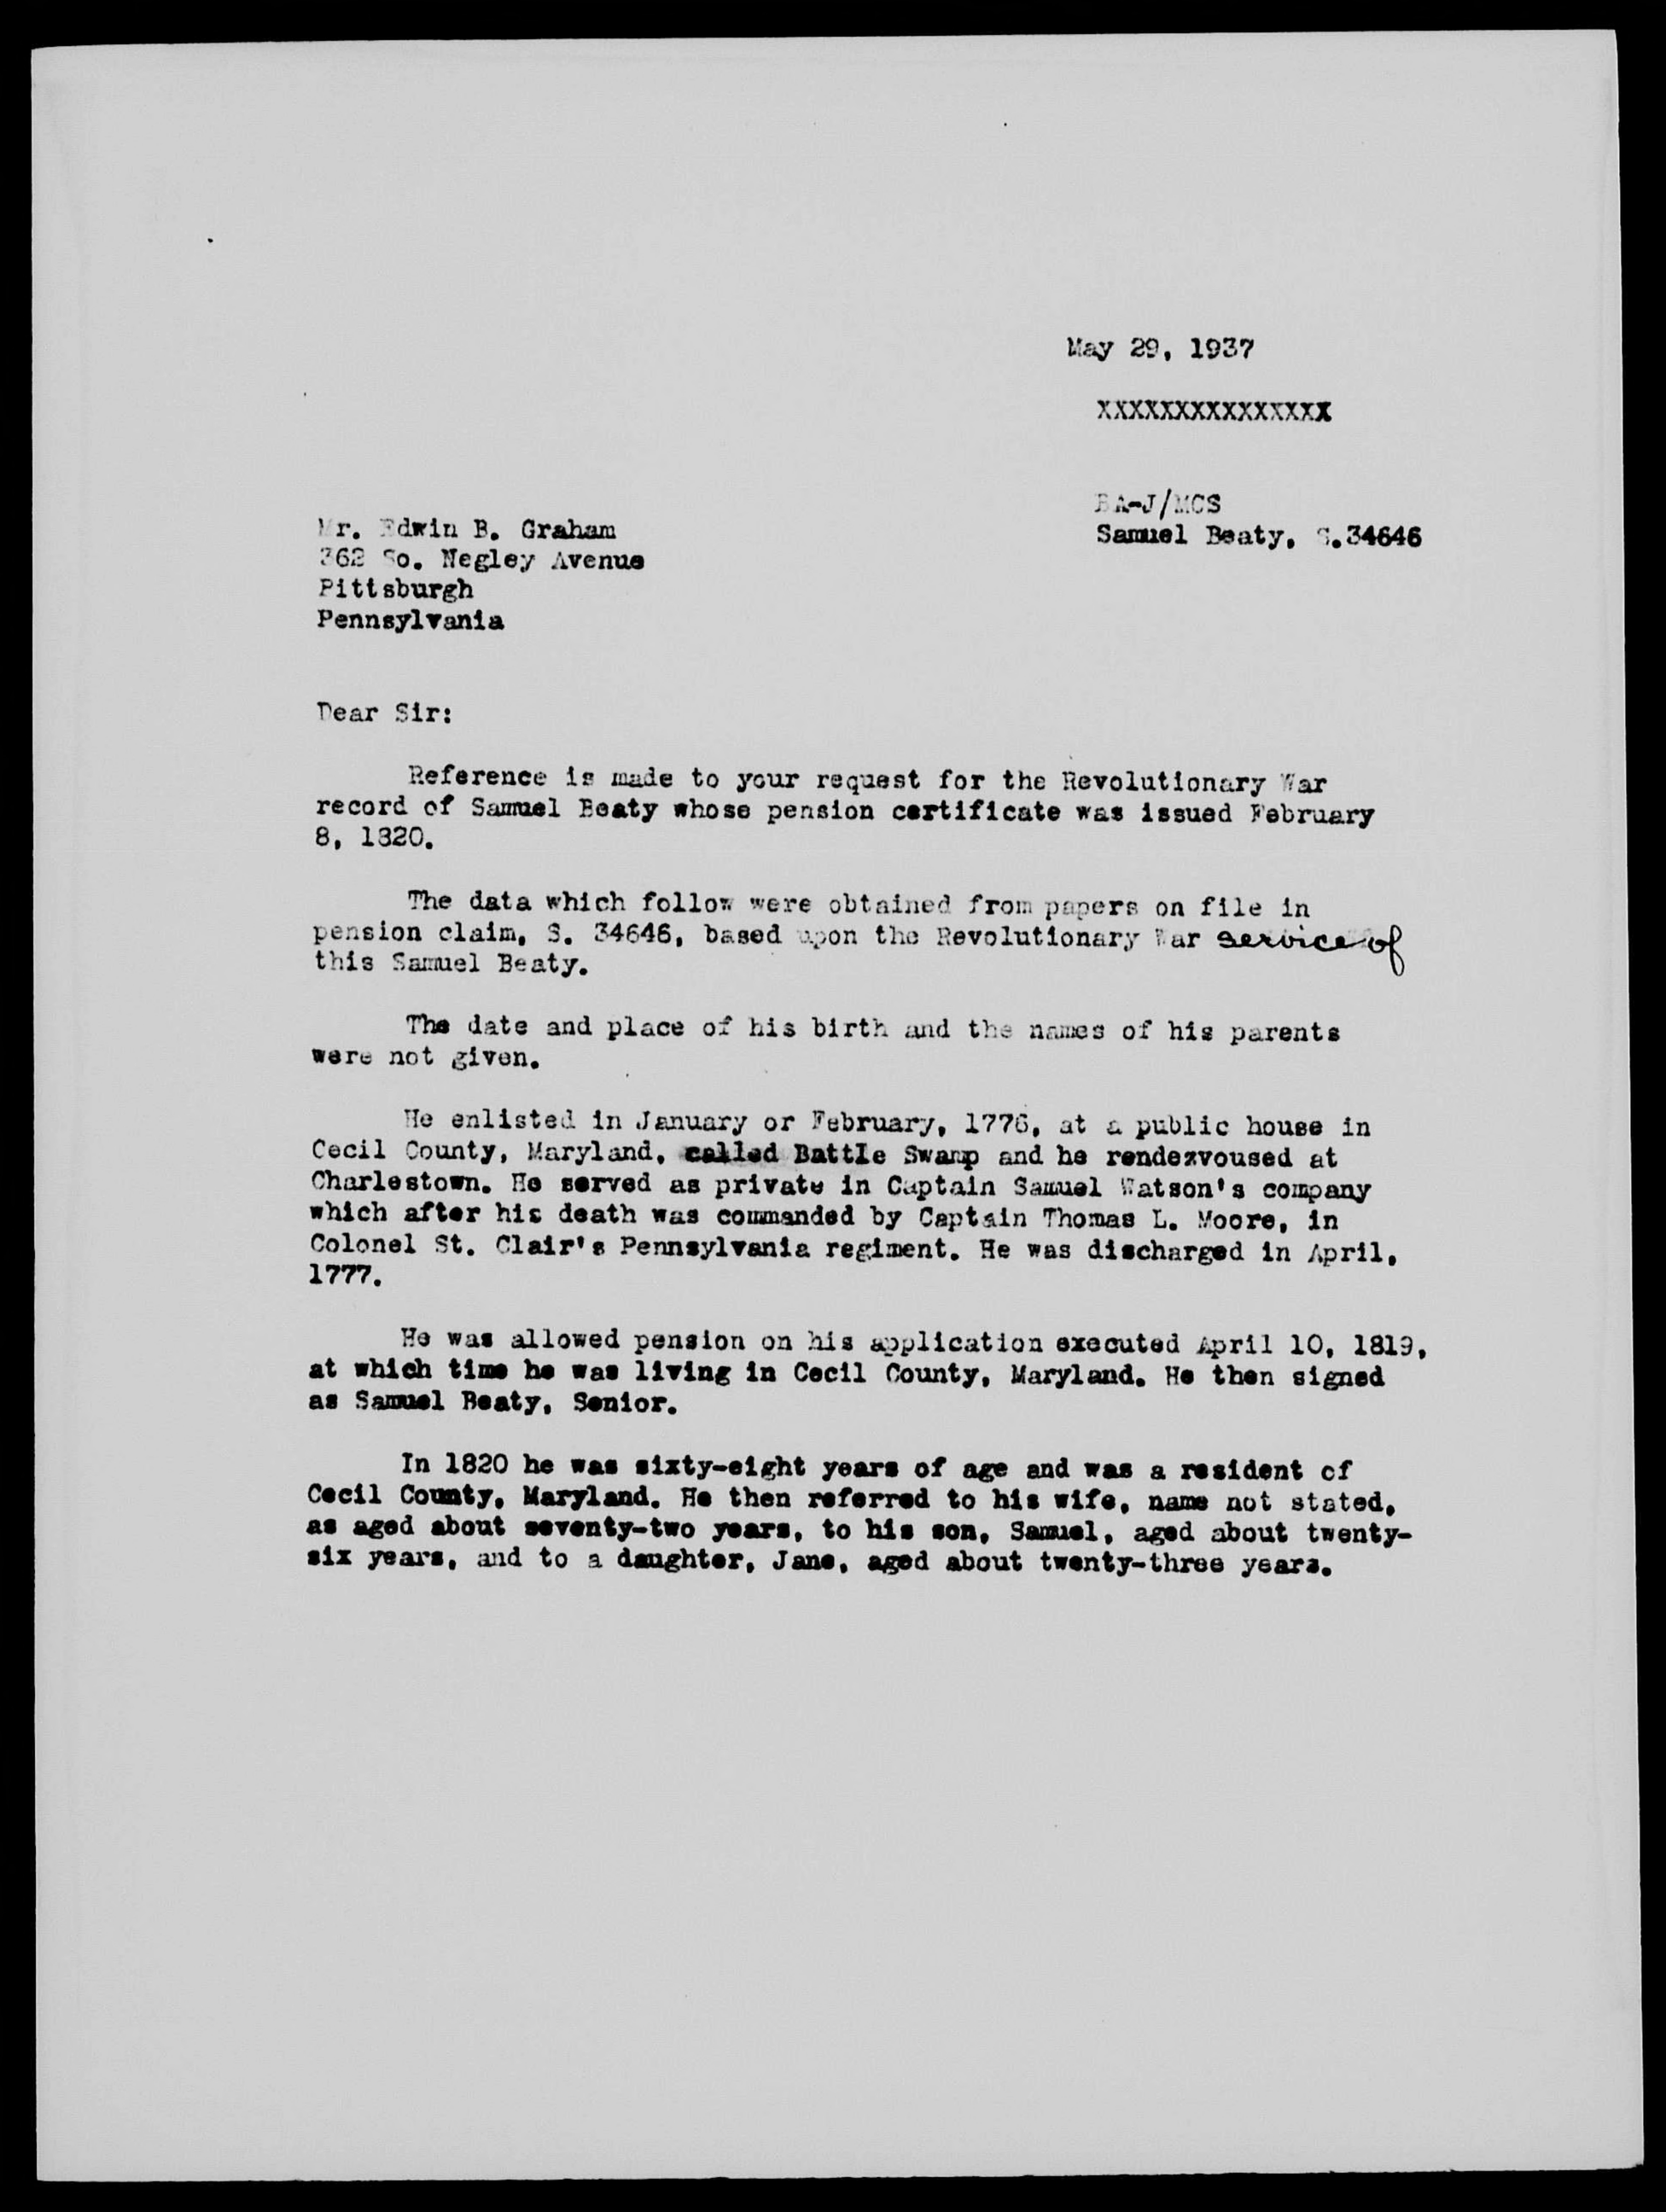May 29, 1937

XXXXXXXXXXXXXXX

BA-J/MCS
Samuel Beaty, S.34646

Mr. Edwin B. Graham
362 So. Negley Avenue
Pittsburgh
Pennsylvania

Dear Sir:

Reference is made to your request for the Revolutionary War record of Samuel Beaty whose pension certificate was issued February 8, 1820.
The data which follow were obtained from papers on file in pension claim, S. 34646, based upon the Revolutionary War Service of this Samuel Beaty.
The date and place of his birth and the names of his parents were not given.
He enlisted in January or February, 1776, at a public house in Cecil County, Maryland, called Battle Swamp and he rendezvoused at Charlestown. He served as private in Captain Samuel Watson's company which after his death was commanded by Captain Thomas L. Moore, in Colonel St. Clair's Pennsylvania regiment. He was discharged in April, 1777.
He was allowed pension on his application executed April 10, 1819, at which time he was living in Cecil County, Maryland. He then signed as Samuel Beaty, Senior.
In 1820 he was sixty-eight years of age and was a resident of Cecil County, Maryland. He then referred to his wife, name not stated, as aged about seventy-two years, to his son, Samuel, aged about twenty-six years, and to a daughter, Jane, aged about twenty-three years.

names: Samuel Beaty, Samuel Beaty, Samuel Beaty, Samuel, Jane, Samuel Beaty, Edwin B Graham, Thomas L Moore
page: 13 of 31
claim: survivor's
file: S. 34646, Samuel Beaty, Penn.